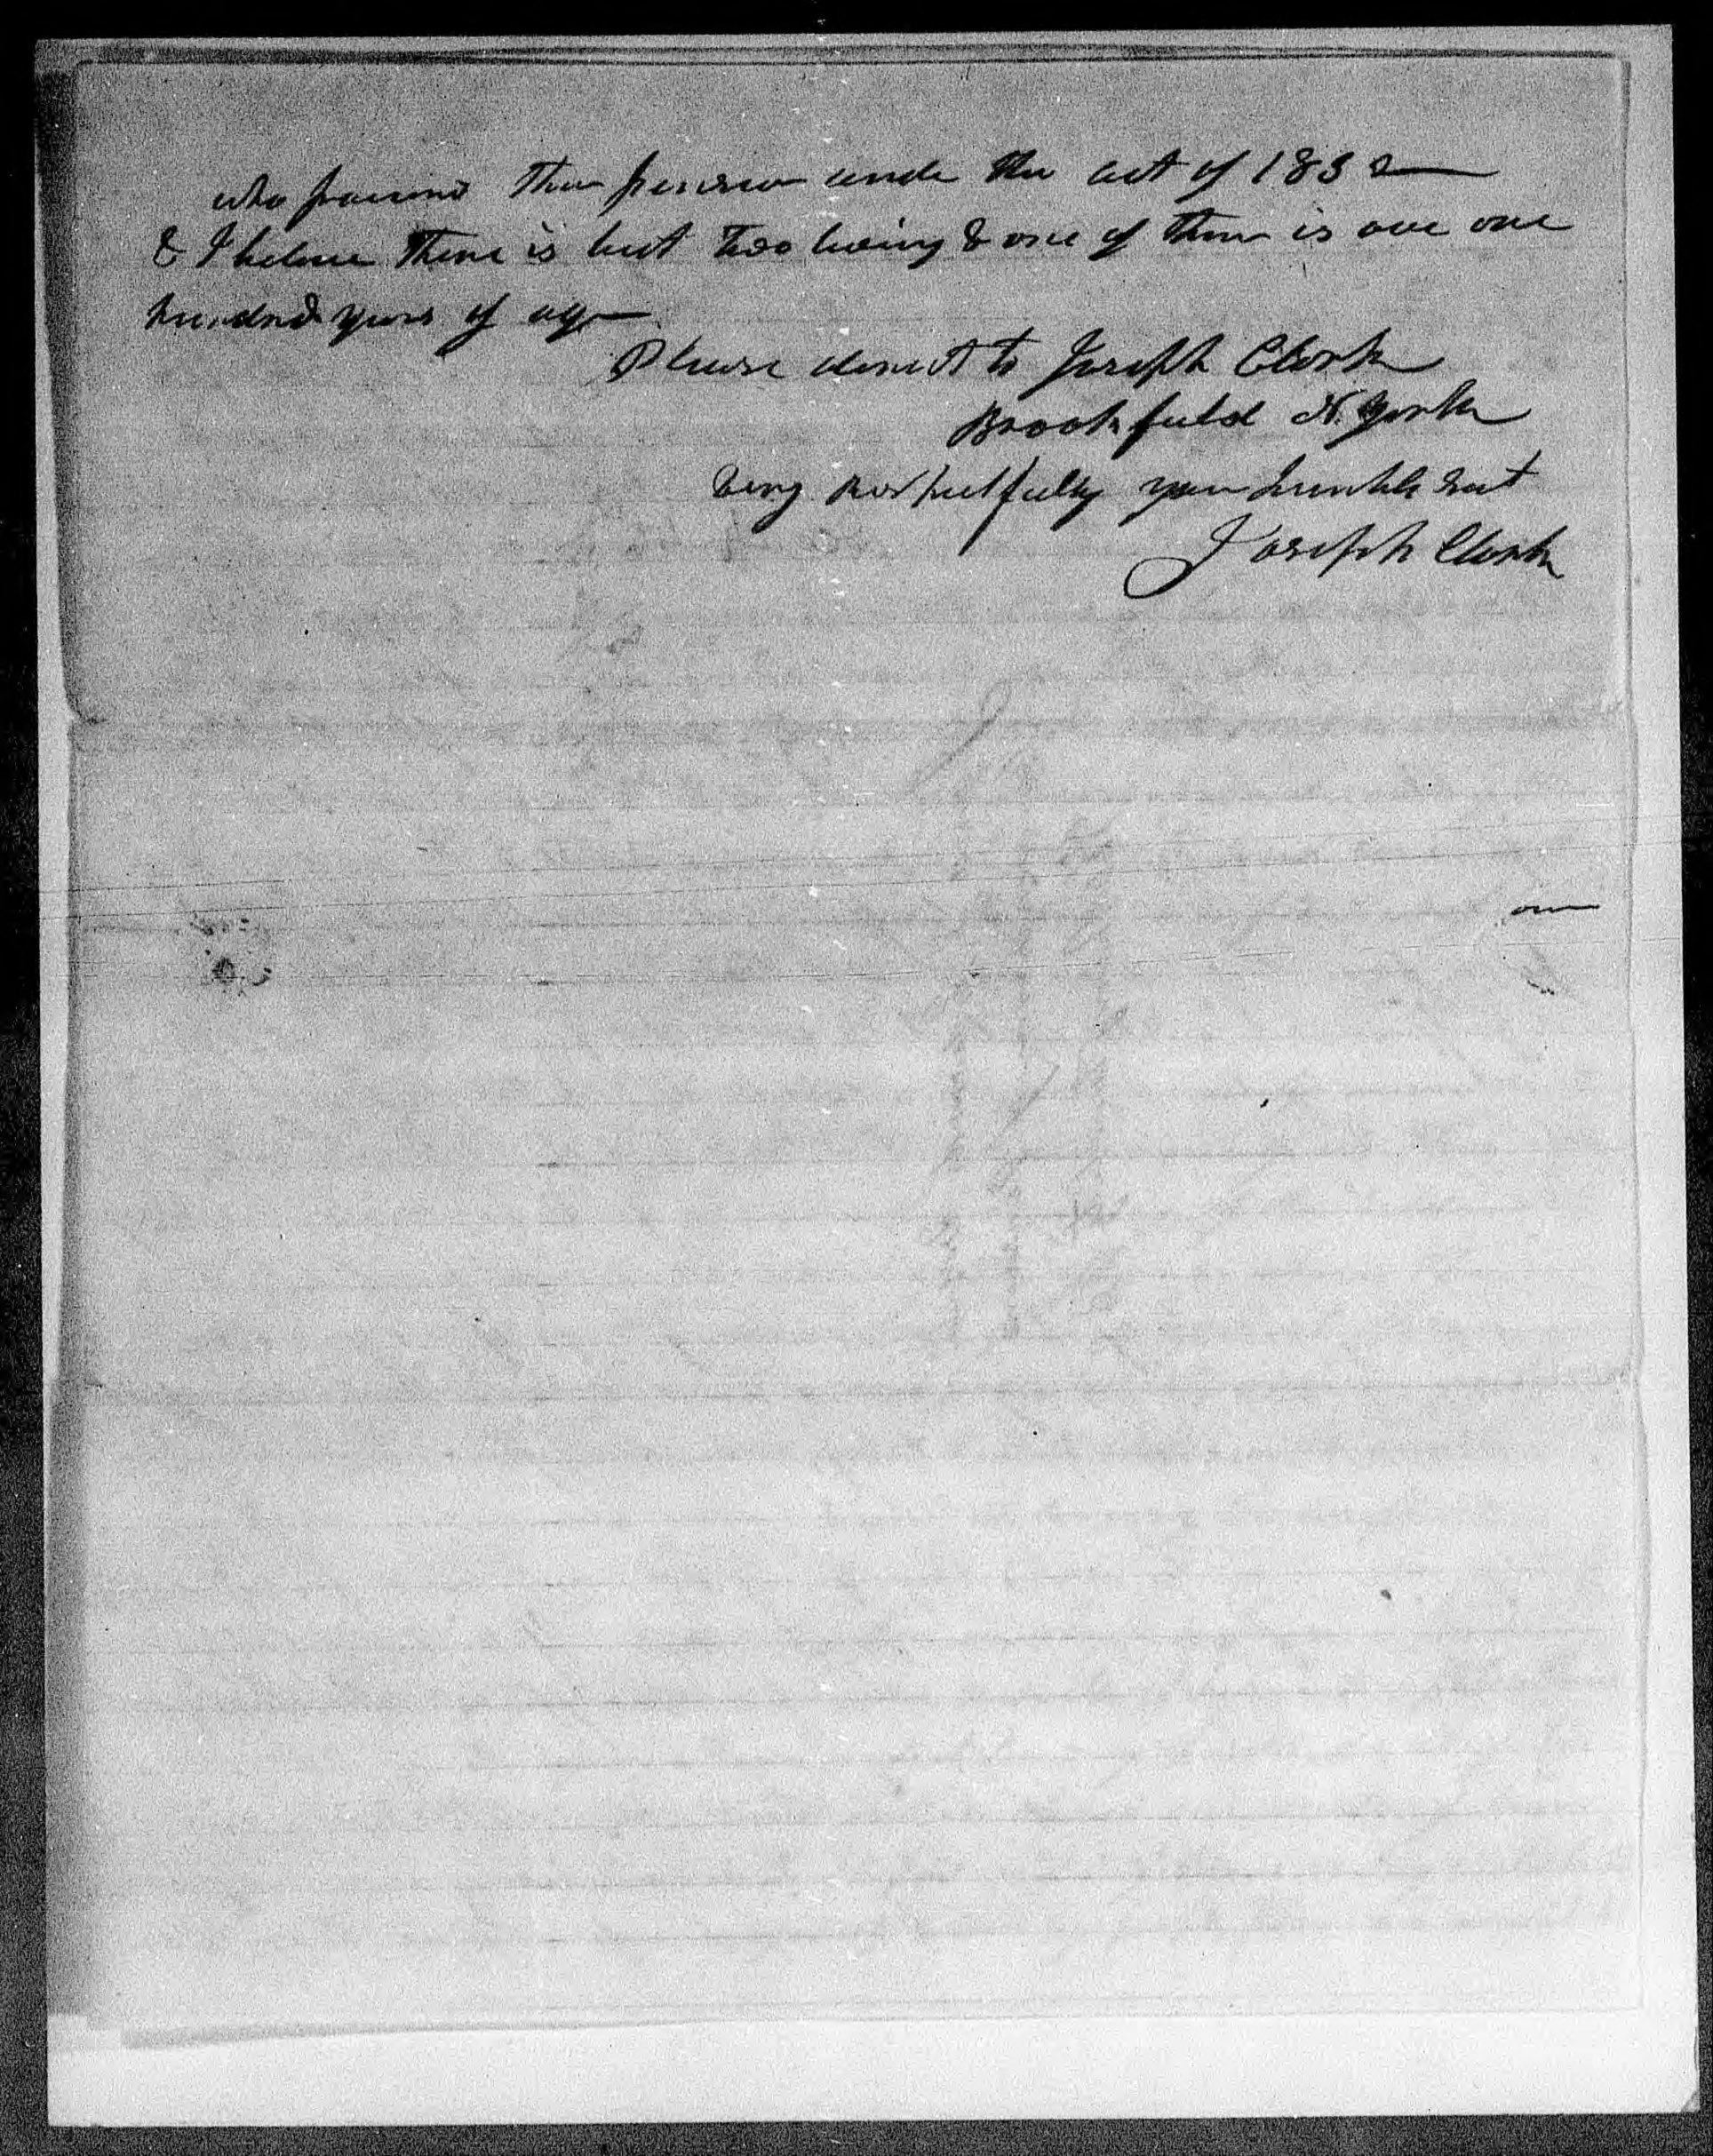who found the pension under the act of 1832 & I believe there is but two living & one of them is over one hundred years of age 
Please direct to Joseph Clark 
Brookfield N. York 
Very Respectfully you humble servt.
 Joseph Clark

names: Joseph Clork, Joseph Clork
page: 28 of 60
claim: widow's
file: W. 19,537, Thomas Griffin, Conn.